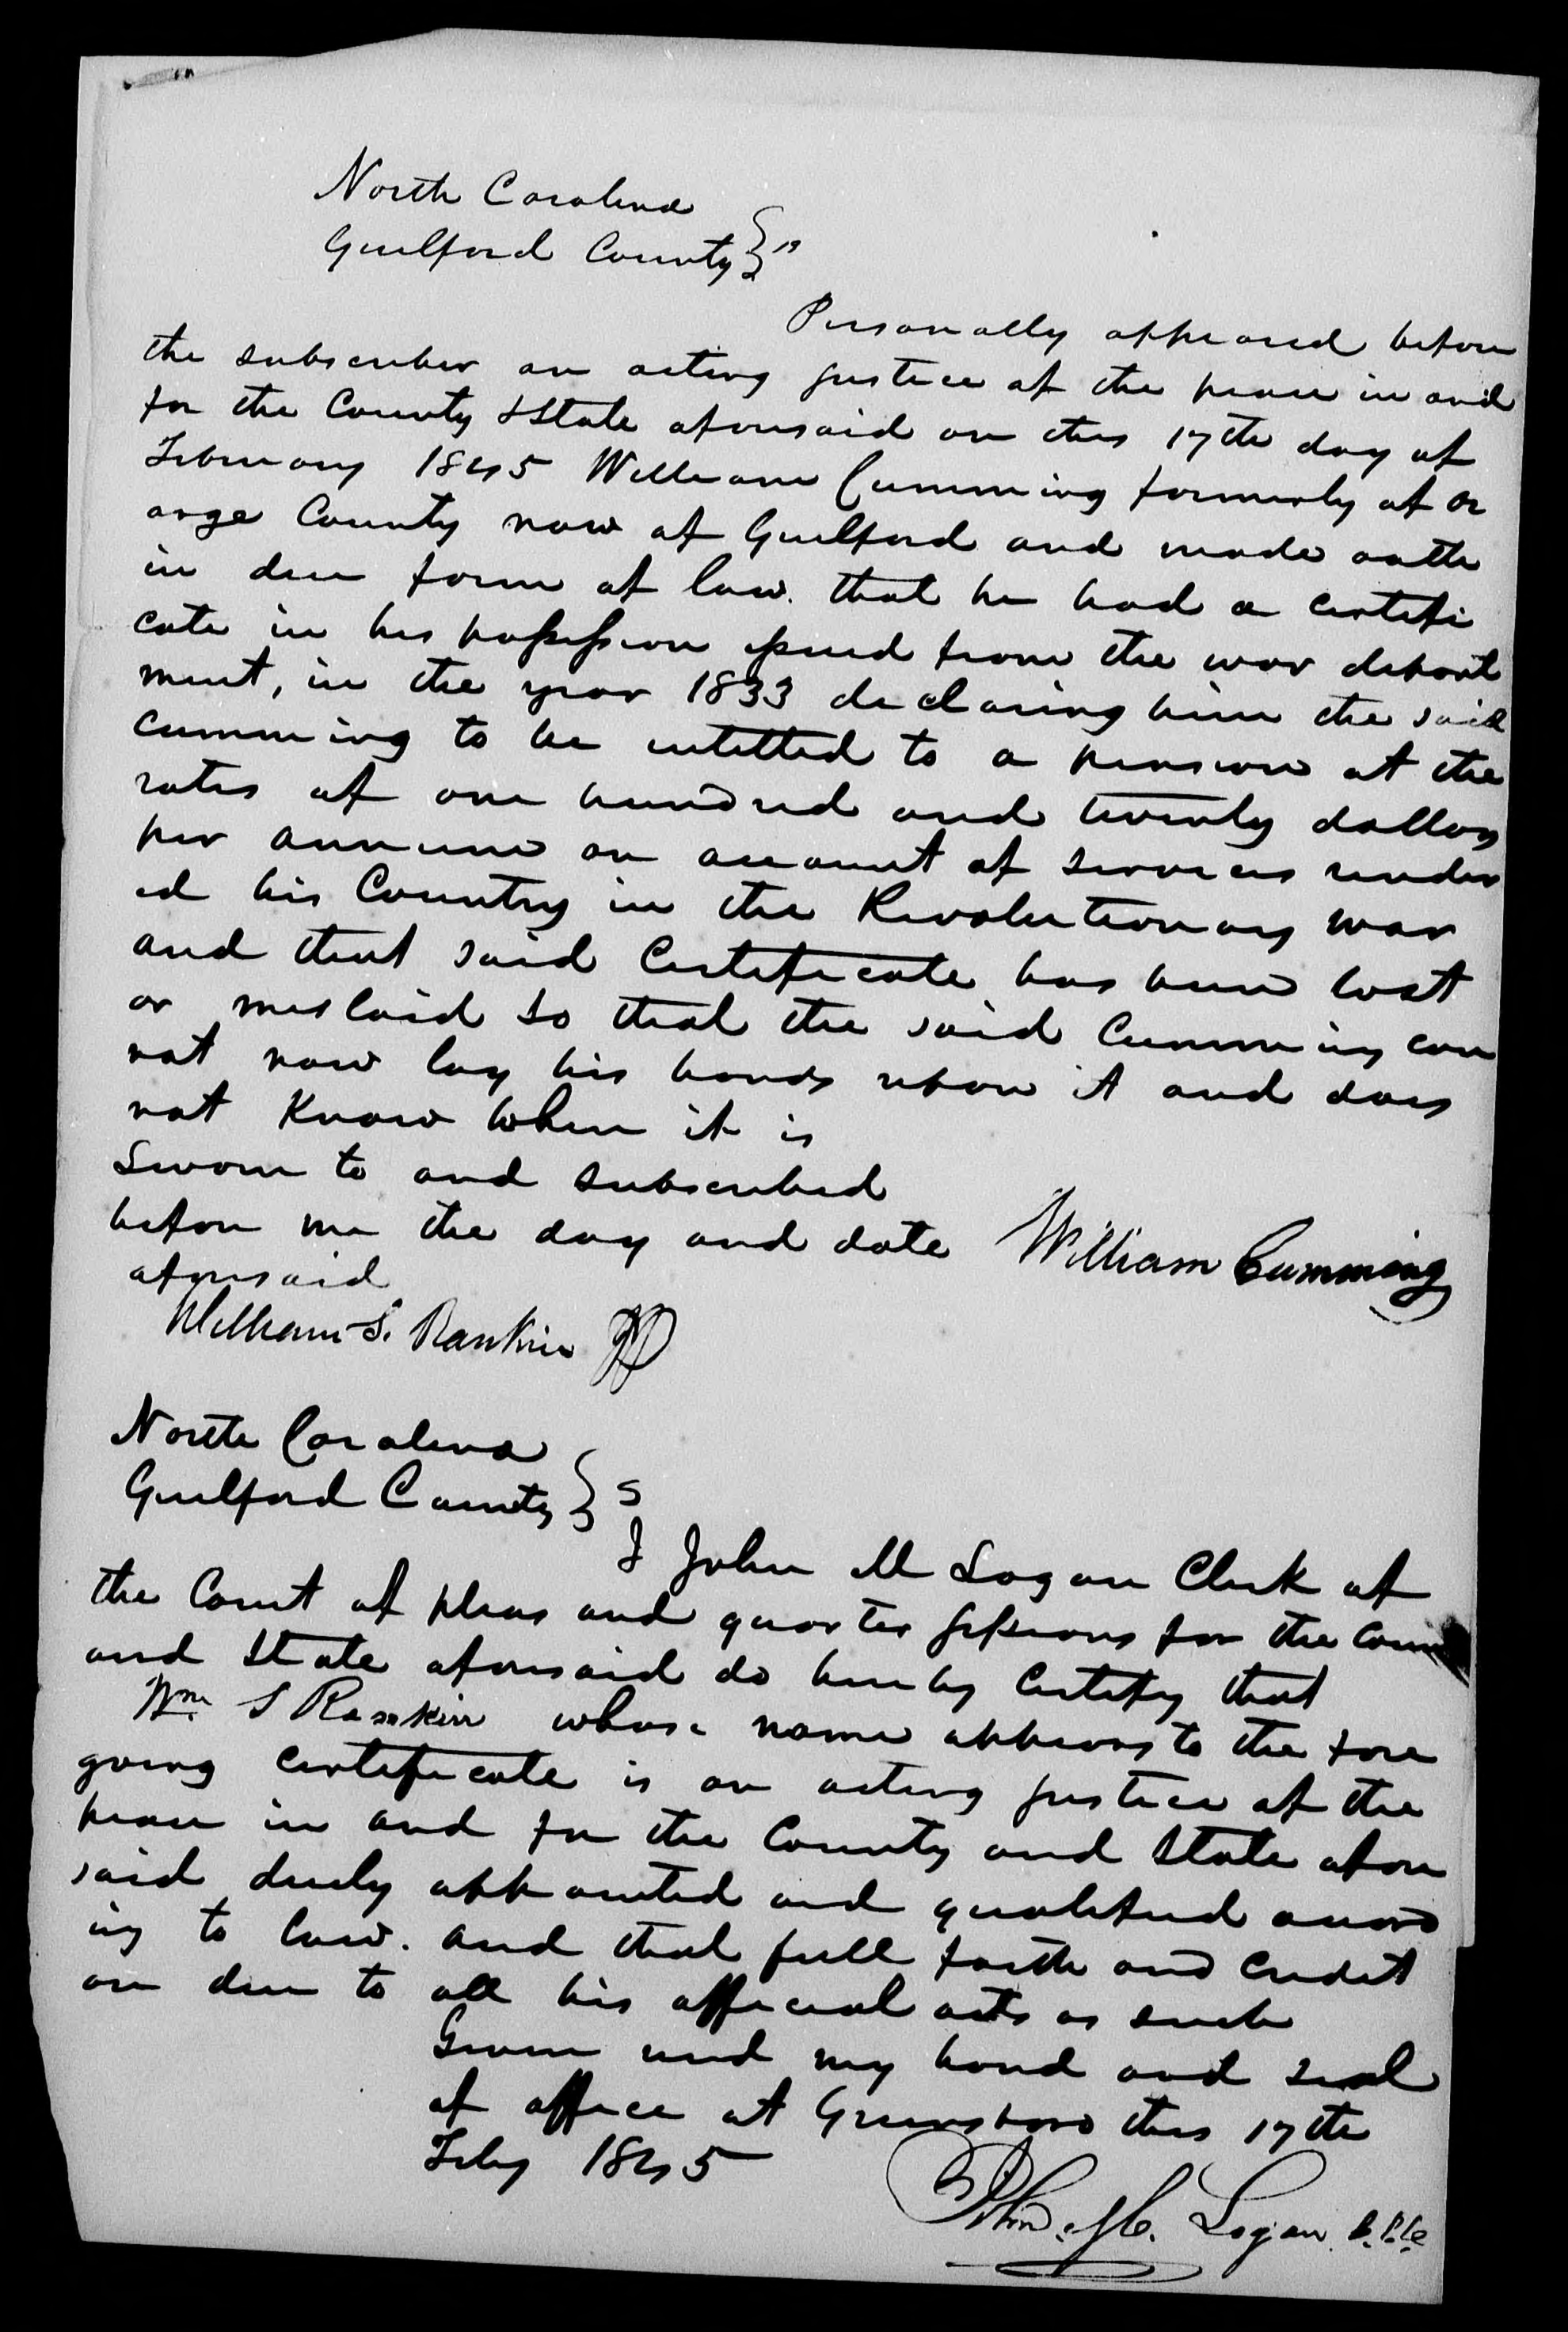[Handwritten record.  Occasional spacing has been included to make the long text block easier to read.]

North Carolina)
Guilford County) [illegible]

Personally appeared before the subscriber an acting justice of the peace in and for the County and State aforesaid on this 17th day of February 1845 William Cumming [or Cummins] formerly of [or at] Orange County now of [or at] Guilford and made oath in due form of law.

that he had a Certificate in his possession issued from the war department, in the year 1833 declaring him the said Cumming to be entitled to a pension at the rate [or rates] of one hundred and twenty dollars per annum on account of Services rendered his Country in the Revolutionary war and that said Certificate has been lost or mislaid so that the said Cumming cannot now lay his hands upon it and does not Know where it is

[Signature] William Cumming 

Sworn to and subscribed
before me the day and date 
aforesaid. 
[Signature] William S. Rankin JP [Justice of the Peace]

[In dark ink:] North Carolina)
Guilford County) S

I John M Logan Clerk of the Court of pleas and quarter Sessions for the Coun-  [here the rest of that word is missing due to an ink stain and the paper edge, but the word is probably "County"] and State aforesaid do hereby Certify that Wm. S Rankin whose name appears to the foregoing Certificate is an acting Justice of the peace in and for the County and State aforesaid duly appointed and qualified according to law. and that full faith and Credit are due to all his official acts as such

Given under my hand and seal of office at Greensboro this 17th Feby 1845

[Signature, with flourish underneath:] John H. Logan C.C.C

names: William Cumming, Wm S Rankin, John M Logan, Cumming, Cumming, William Cumming, William S Rankin, John M Logan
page: 132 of 145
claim: survivor's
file: S. 8265, William Cumming, N.C.